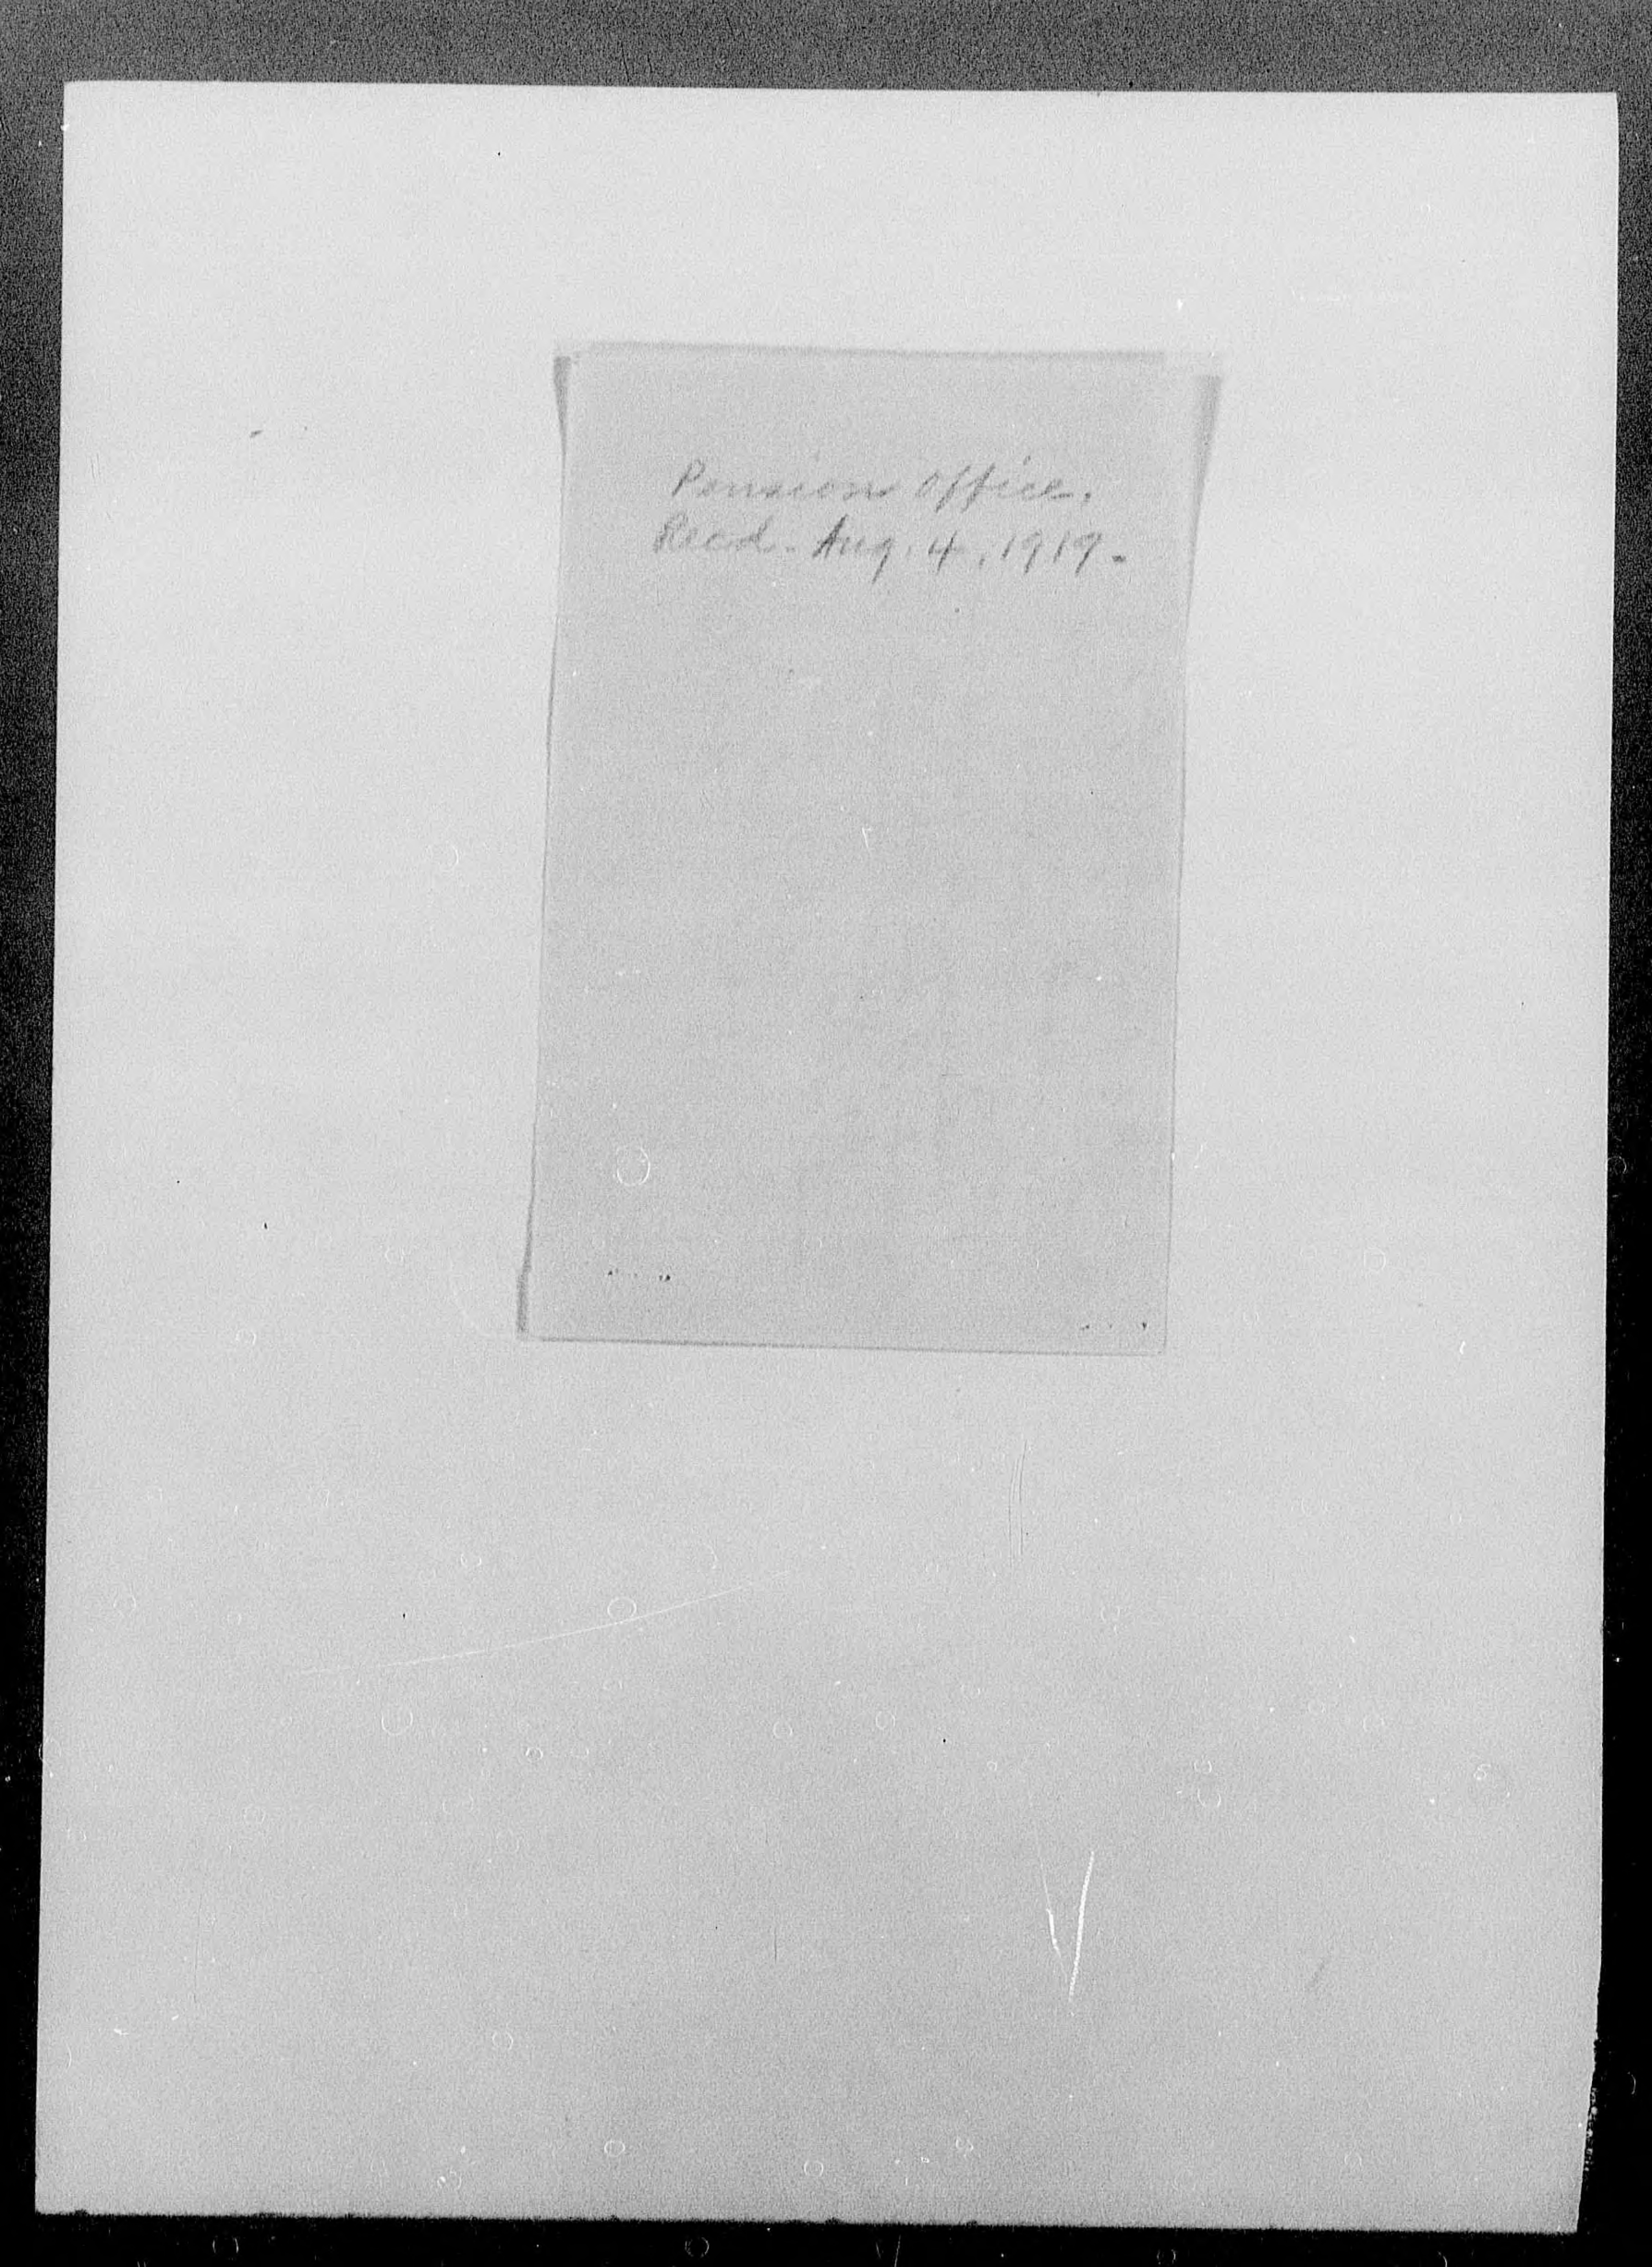Pension Office
Recd Aug. 4, 1919 -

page: 62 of 66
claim: widow's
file: W. 6637, Richard Caslar, New York